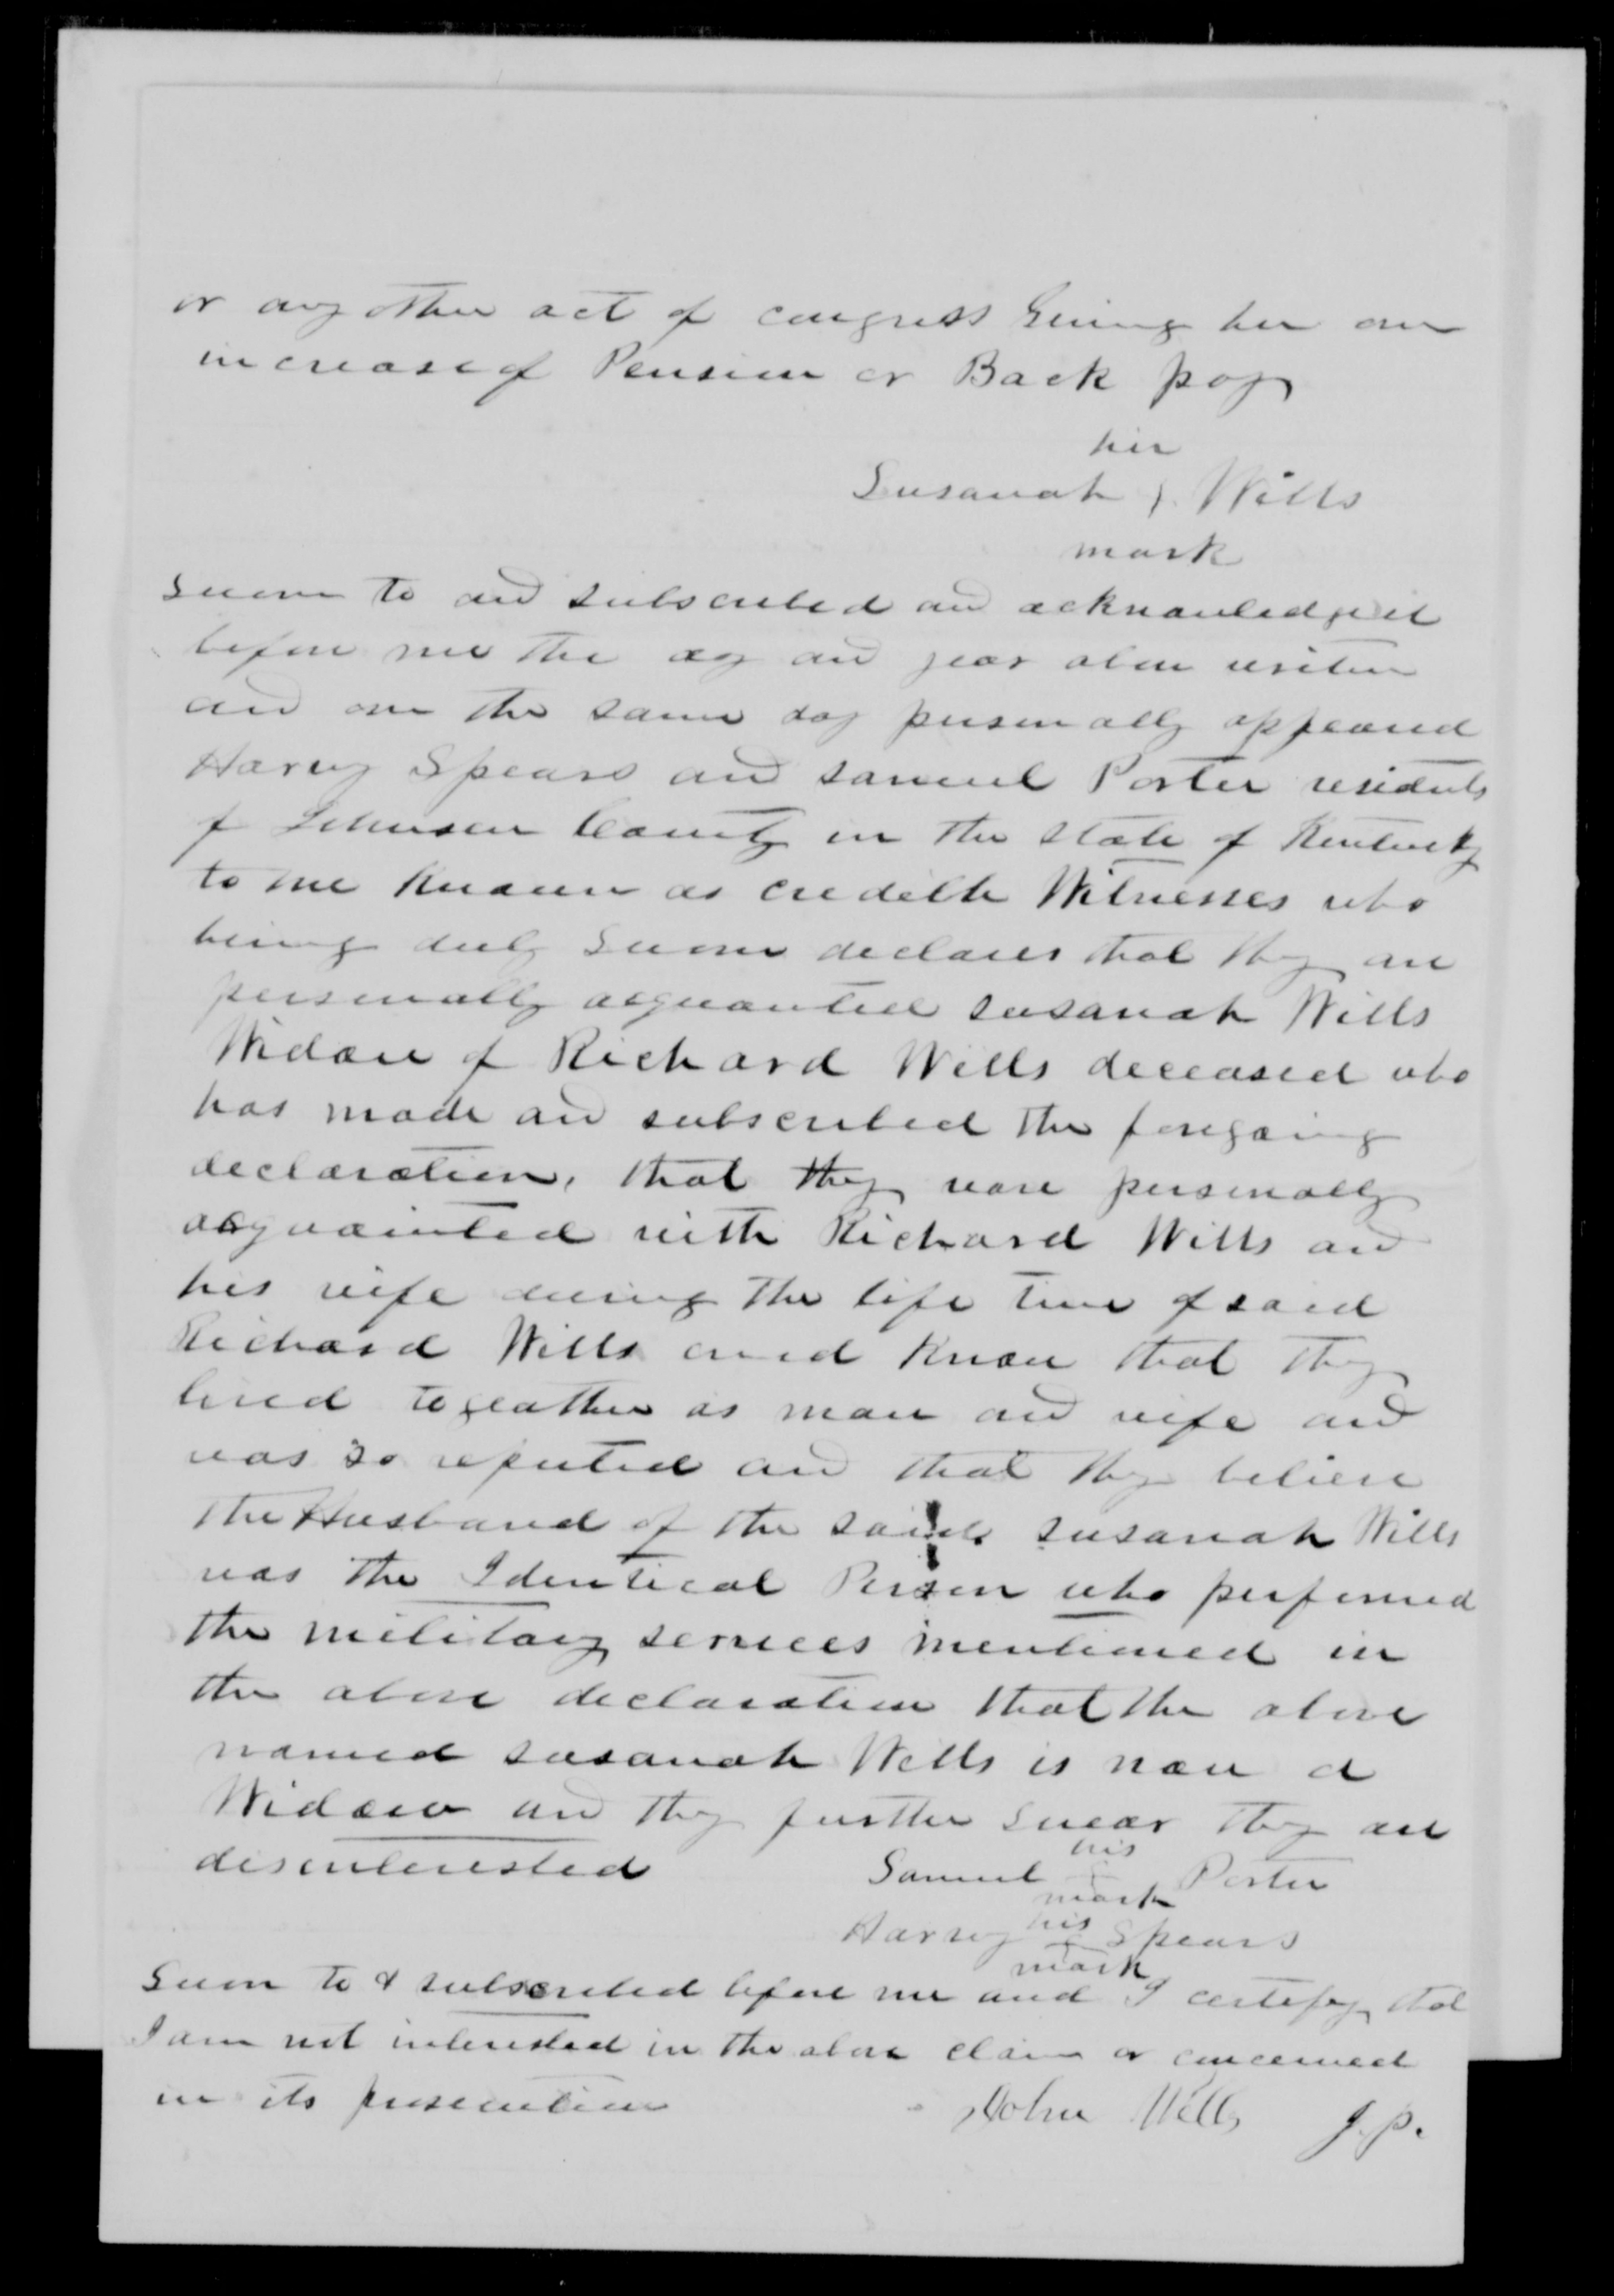or any other act of Congress giving her own increase of pension or back pay ( her mark X ) Susanah Wells   Sworn to and subscribed and acknowledged before me the day and year above written and on the same day personally appeared  Harrey Spears and Samuel Porter residents of Johnson County  in the State of Kentucky to me known as credible witnesses who being duly sworn declared that they are personally acquainted with Susanah Wells  widow of Richard Wells deceased who has made and subscribed the foregoing declaration, that they were personally acquainted with Richard Wells and know that they lived together as man and wife and was so reputed and that they believe the husband of the said Susanah Wells was the Identical person who performed the military service mentioned in the above declaration that he above named Susanah Wells is now a widow and they further swear they  are disinterested . (his mark X ) Samuel Porter ( his mark X )  Harrey Spears   Sworn to and subscribed before me and I certify that I am not interested ni the above claim or  concerned in its prosecution. John Wells ( signed ) J.  P.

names: Harey Spears, John Wells, Samul Porter, Richard Wills, Susanah Wills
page: 17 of 100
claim: widow's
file: W. 6437, Richard Wells, Ga Va.